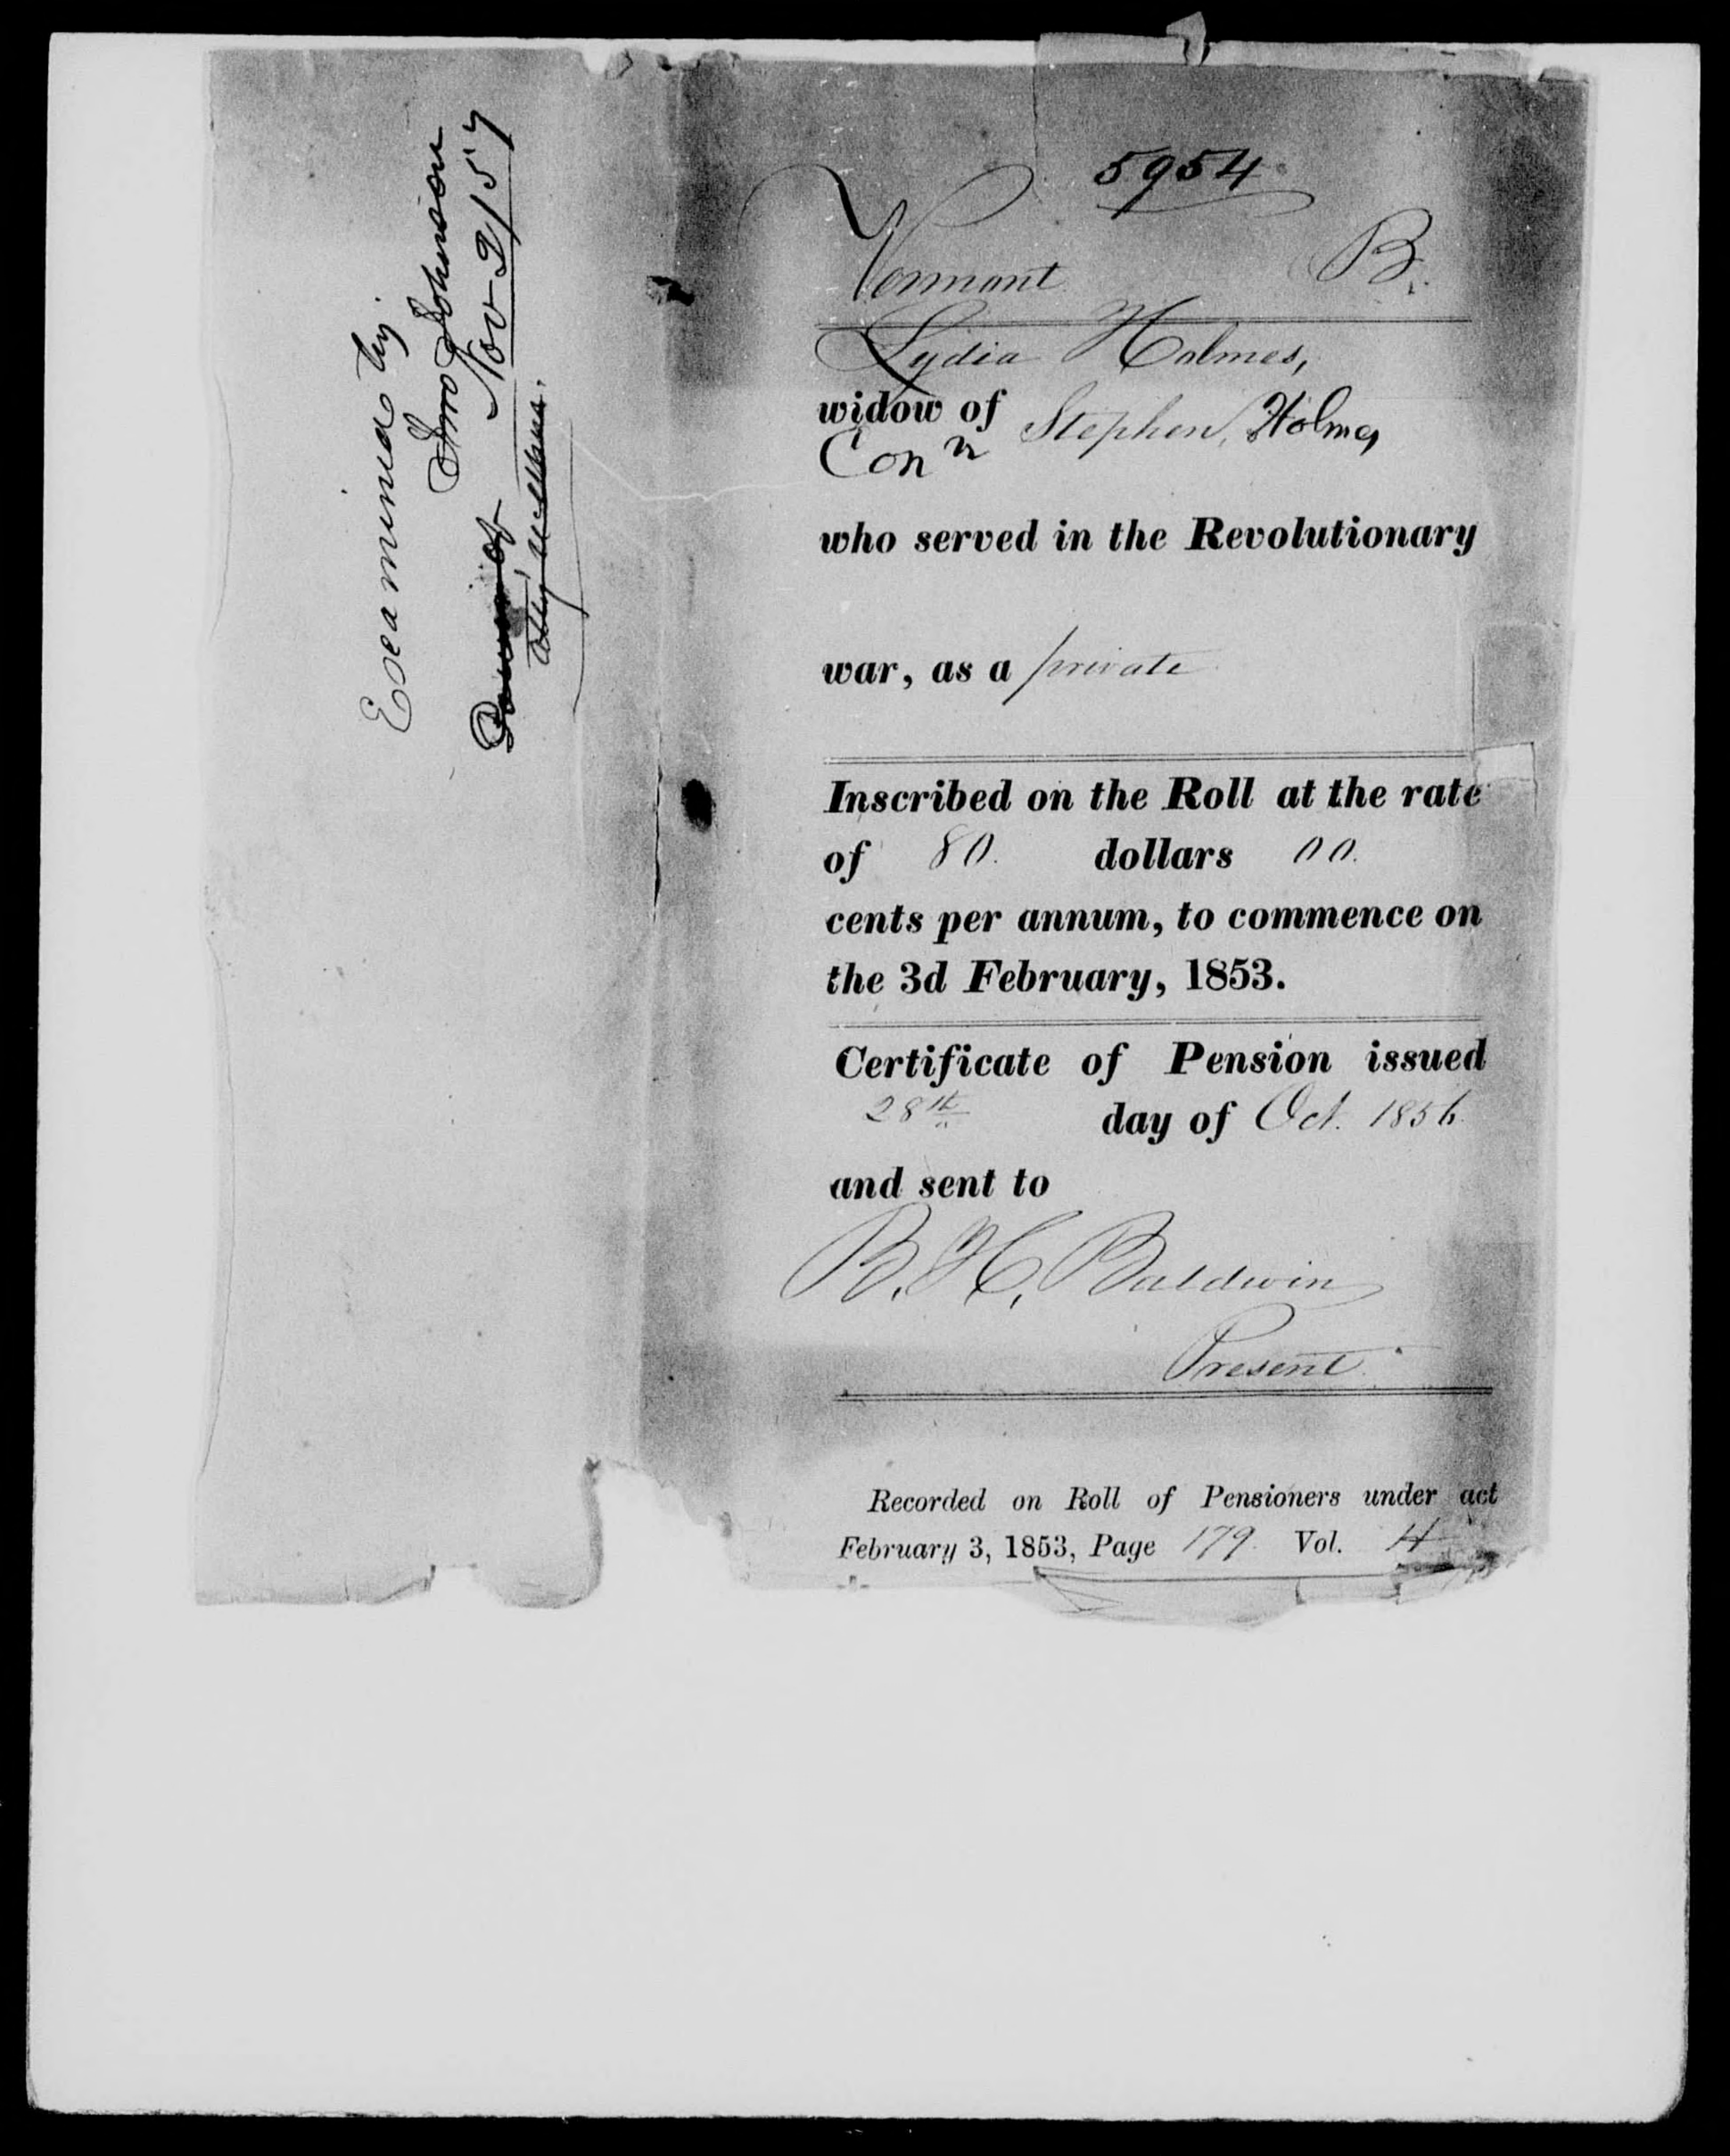Examined by 
[illegible] Johnson
Nov 2/57
[crossed out text]

5954
Vermont B.
Lydia Holmes,
widow of Stephen Holmes, Conn
who served in the Revolutionary war, as a private

Inscribed on the Roll at the rate 
of 80. dollars 00. cents per annum, to commence
on the 3d February, 1853.

Certificate of Pension issued 28th day of Oct. 1856 and sent to B. H. Baldwin Present

Recorded on Roll of Pensioners under act
February 3, 1953, Page 179 Vol. H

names: B H Baldwin, Lydia Holmes, Stephen Holmes, Jno Johnson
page: 3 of 72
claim: widow's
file: W. 7771, Stephen Holmes, Vt.